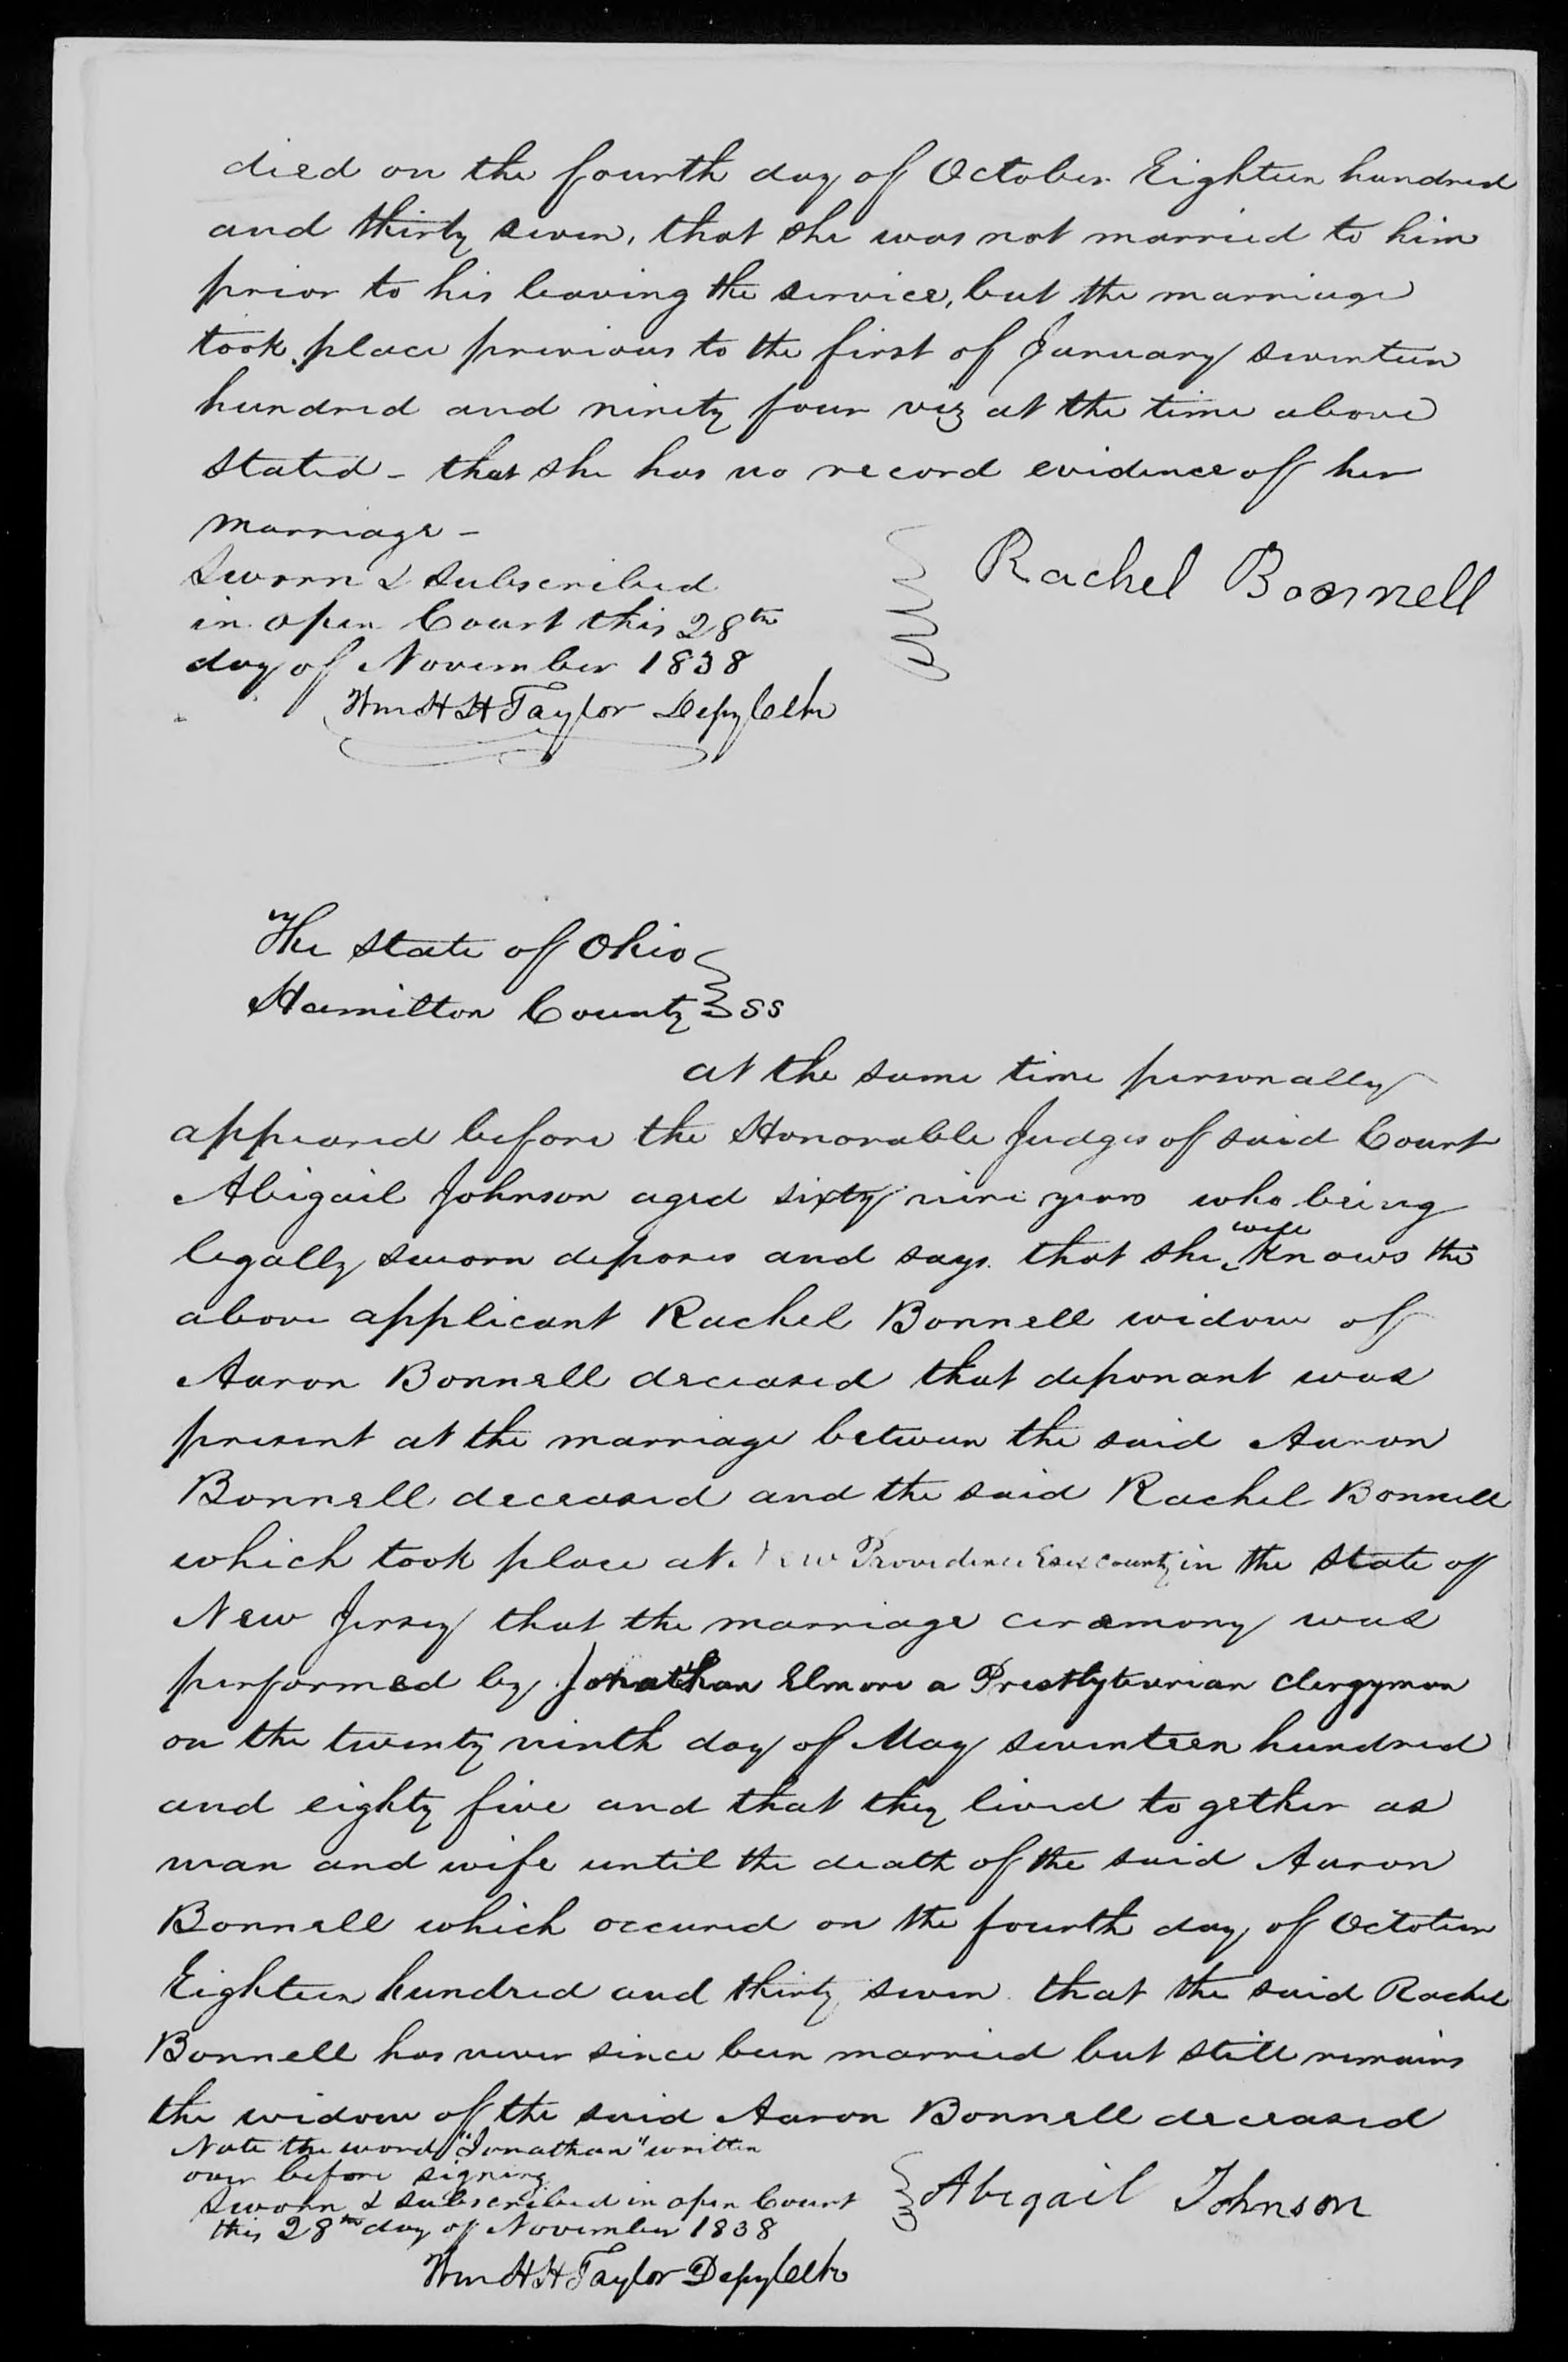died on the fourth day of October eighteen hundred and thirty seven, that she was not married to him prior to his leaving the service, mut the marriage took place previous to the first of January seventy hundred and night four viz at the time above stated - that she has no record evidence of her marriage.
Rachel Bonnell
Sworn & subscribed in open court this 28th day of November 1838
Wm. H. H. Taylor Depy Clerk

The State of Ohio
Hamilton County }ss.
At the same time, personally appeared before the Honorable Judges of said Court Abigail Johnson aged sixty nine years who being legally sworn deposes and says that she well knows the above applicant Rachel Bonnell widow of Aaron Bonnell deceased, that deponent was present at the marriage between the said Aaron Bonnell deceased and the said Rachel Bonnell which took place at New Providence, Essex County int he State of New Jersey, that the marriage ceremony was performed by Jonathan Elmore, a Presbyterian clergyman on the twenty ninth day of May seventeen hundred and eighty five and that they lived together as man and wife until the death of the said Aaron Bonnell which occurred on the fourth day of October eighteen hundred and thirty seven .  That the said Rachel Bonnell has never since been married by still remains the widow of the said Aaron Bonnell deceased.
Abigail Johnson

Note the word "Jonathan" written over before signing.
Sworn & subscribed in open Court this 28th day of November 1838
Wm. H.H. Taylor Depy Clerk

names: Abigail Johnson, Aaron Bonnell, Aaron Bonnell, Wm H H Taylor, Wm H H Taylor, Rachel Bonnell, Rachel Bonnell, Rachel Bonnell, Rachel Bonnell, Aaron Bonnell, Aaron Bonnell, Abegail Johnson, Jonathan Elmore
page: 13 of 67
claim: rejected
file: R. 1009, Aaron Bonnel, New Jersey